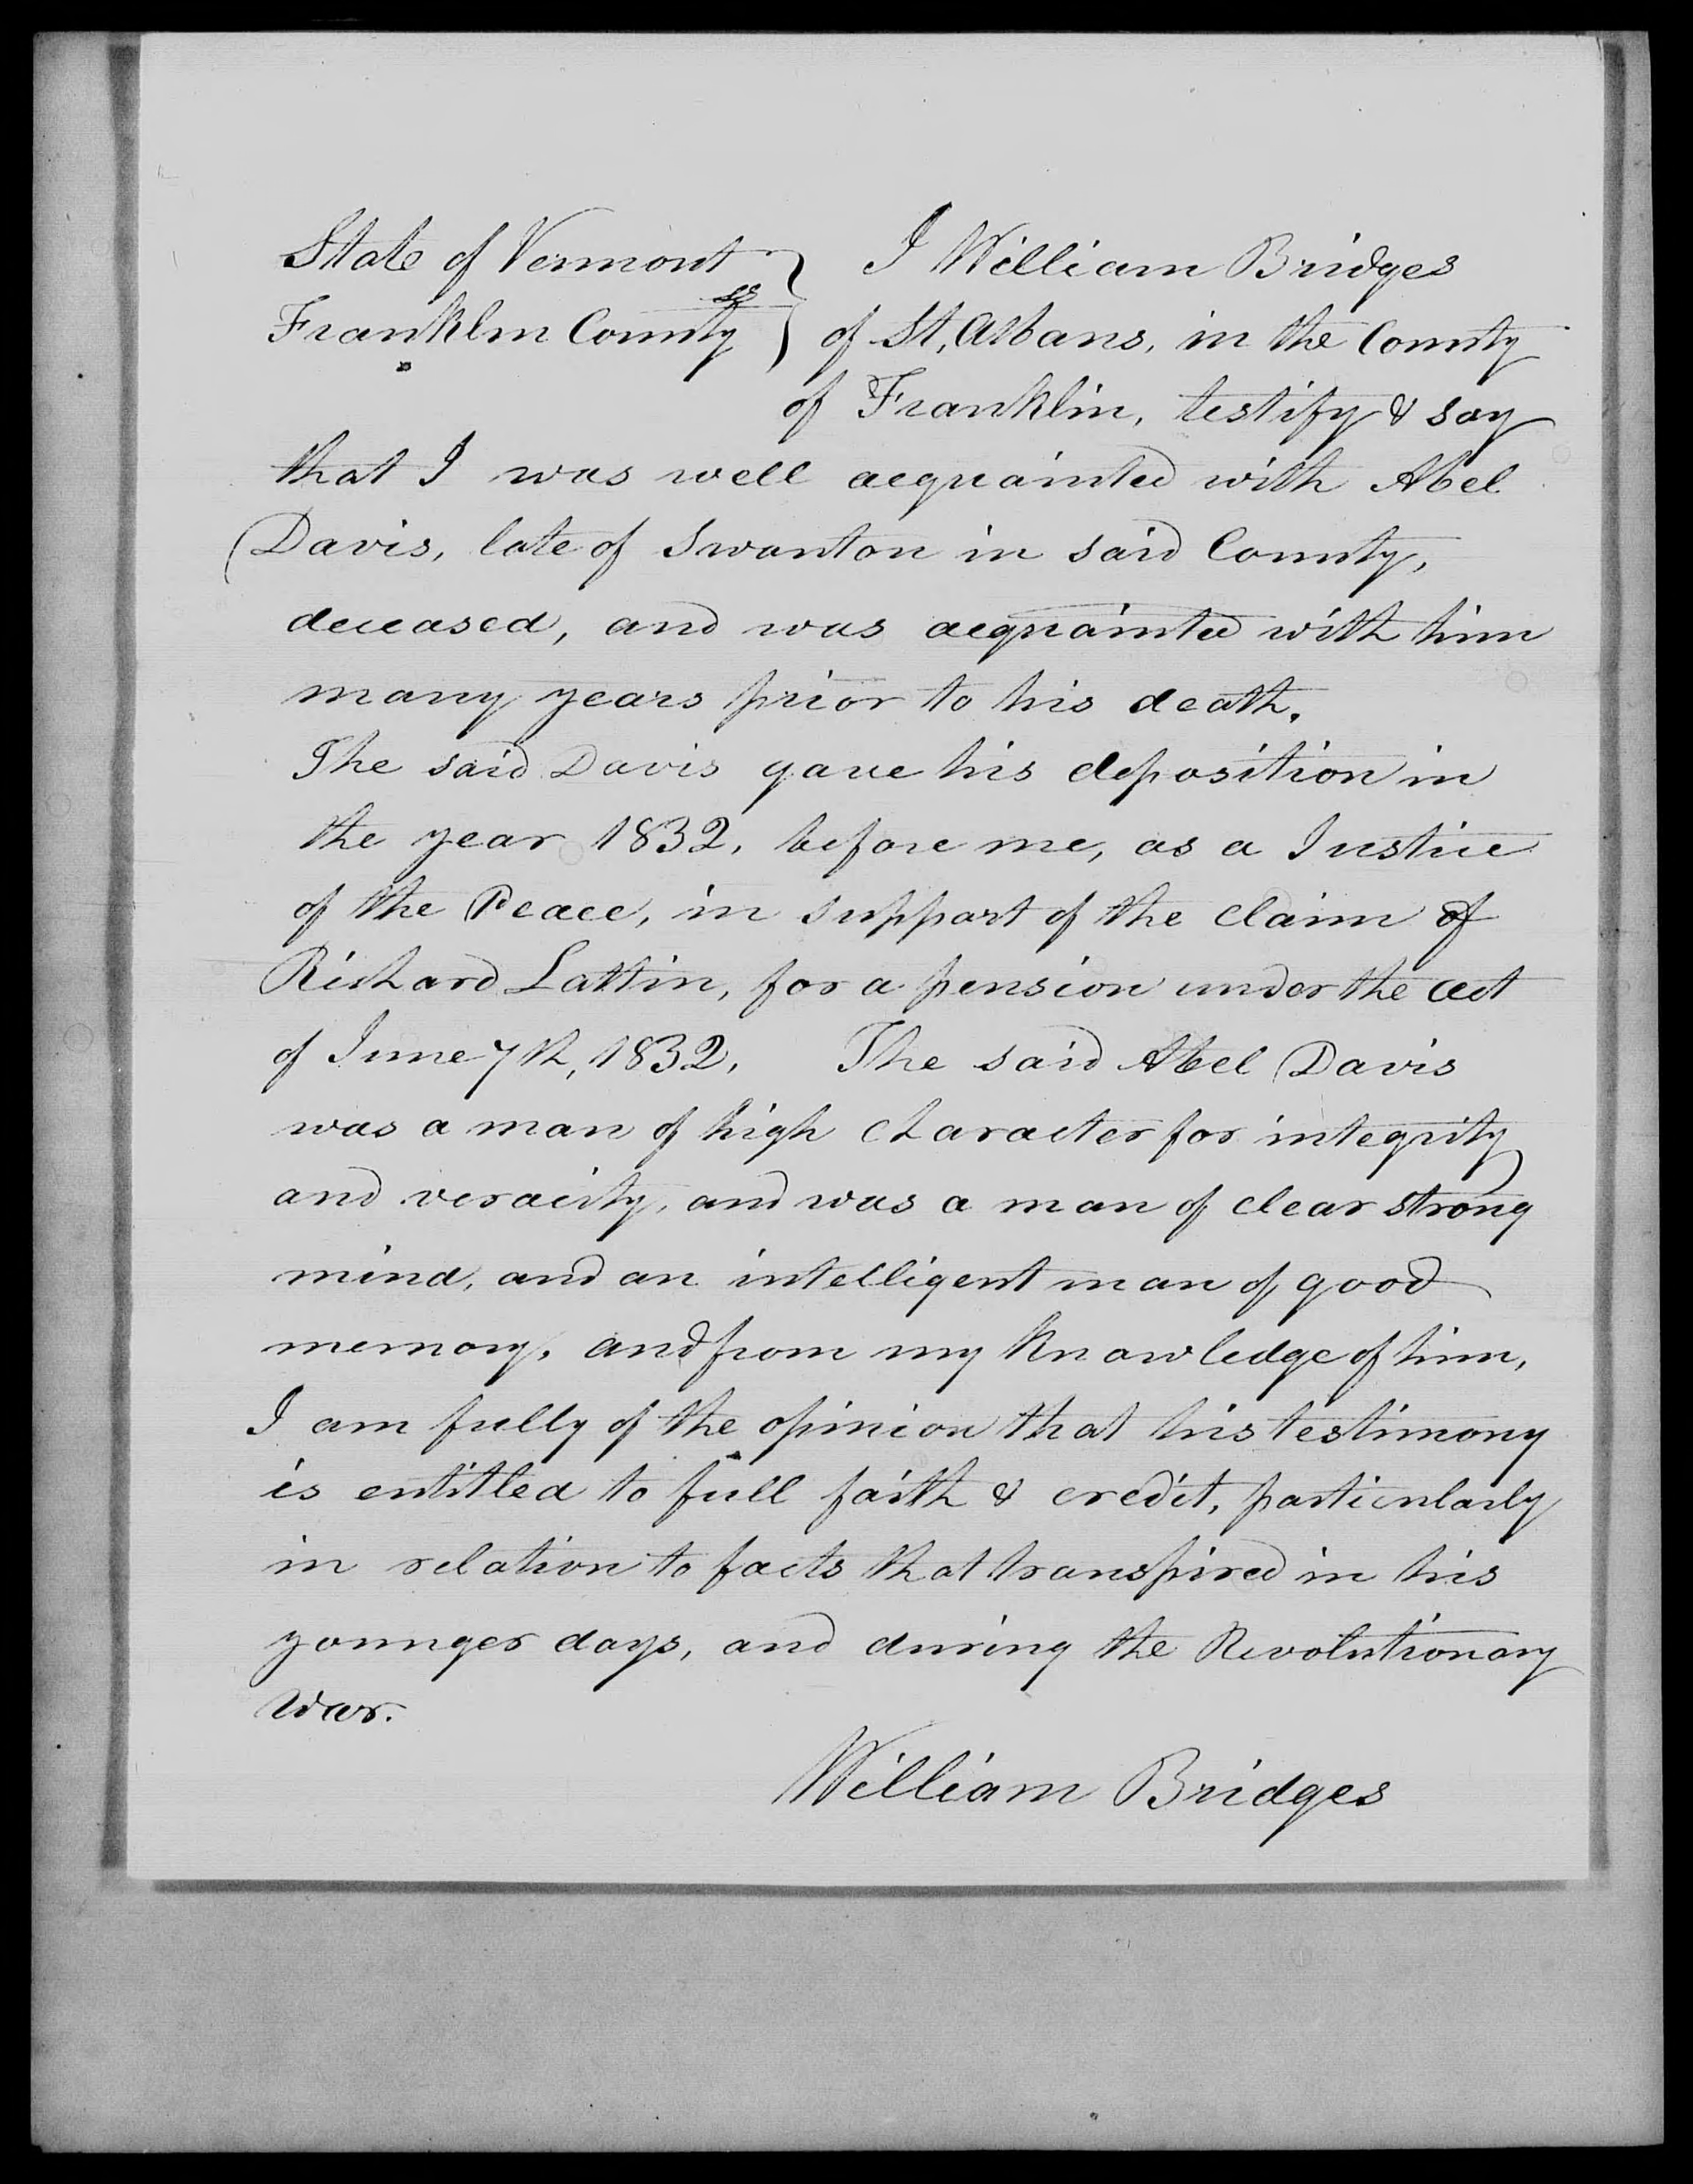State of Vermont Franklin County ss
I William Bridges of St. Albans, in the County
of Franklin, testify & say that I was well acquainted
 with Abel Davis, late of Swanton in said County,
deceased, and was acquainted with him
many years prior to his death.
The said Davis gave his deposition in
the year 1832, before me, as a Justice
of the Peace, in support of the claim of
Richard Lattin, for a pension under the act
of June 7th, 1832,
The said Abel Davis was a man of high character
 for integrity and veracity, and was a man of clear
 strong mind, and an intelligent man of good
memory, and from my knowledge of him,
I am fully of the opinion that his testimony
is entitled to full faith & credit, particularly
in relation to facts that transpired in his
younger days, and during the Revolutionary War.

William Bridges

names: Abel Davis; William Bridges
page: 80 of 99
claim: widow's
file: W. 24,482, for Richard Lattin, Vermont